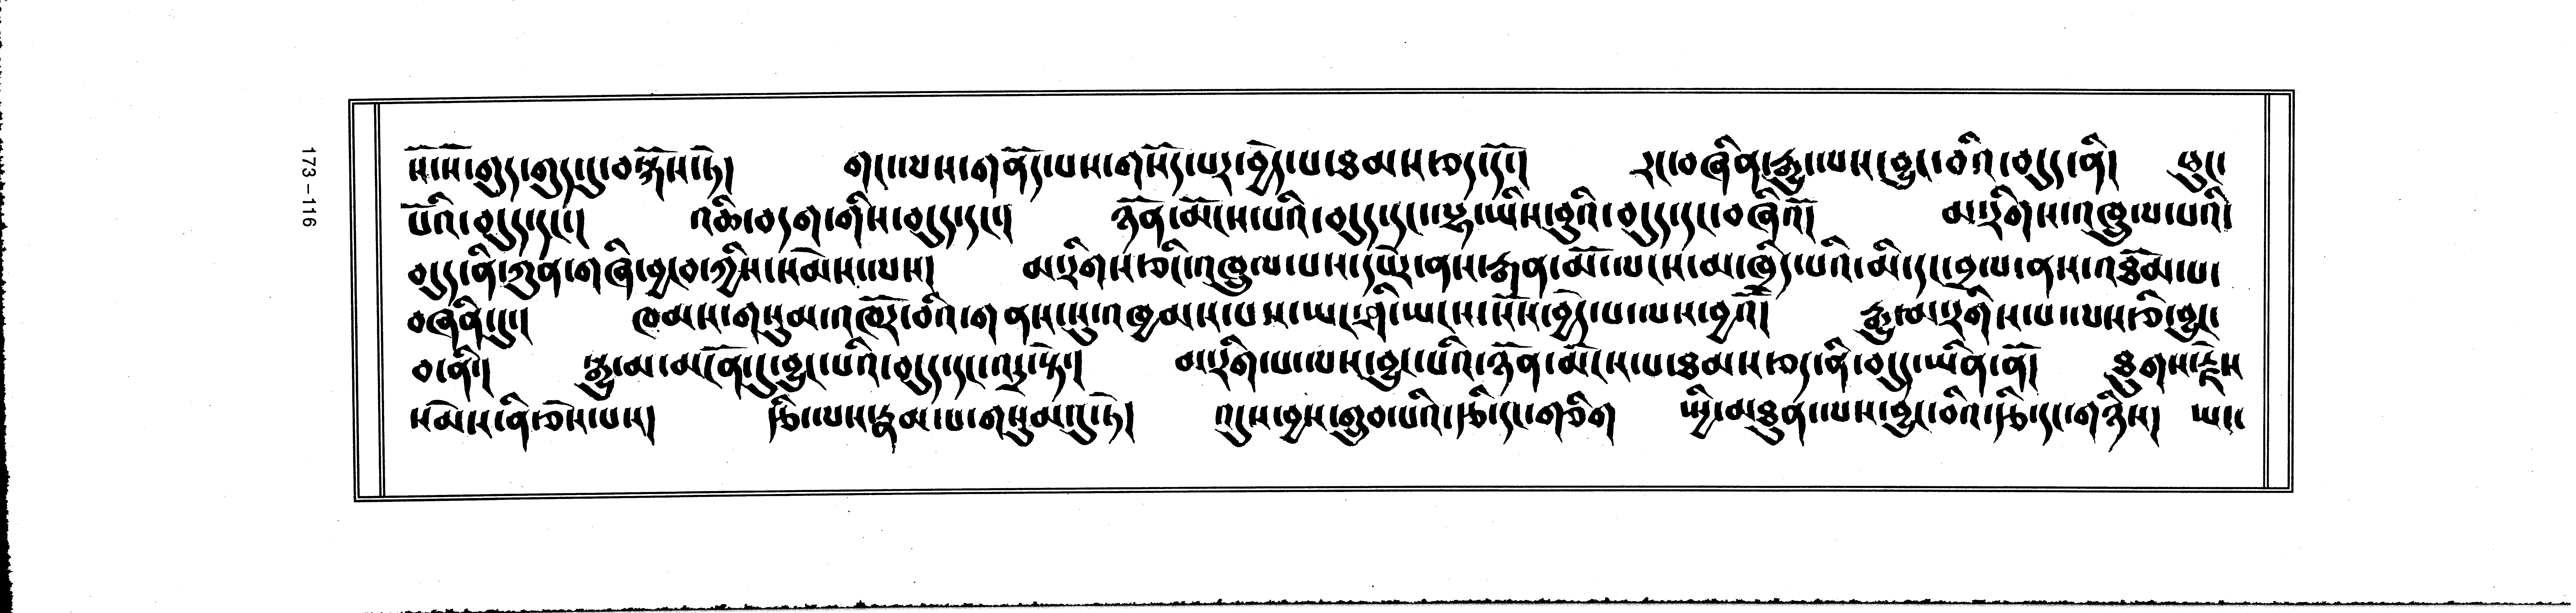སོ་སོ་གུད་དུ་བསྐོས་ཏེ། གང་ལས་གནོད་པས་གསོད་པར་བྱེད་པ་ཐམས་ཅད་དོ། རང་བཞིན་རྒྱུ་ལས་བྱུང་བའི་བདུད་ནི། ཕུང་
པོའི་བདུད་དང་། འཆི་བདག་གི་བདུད་དང་། ཉོན་མོངས་པའི་བདུད་དང་། ལྷའི་བུའི་བདུད་དང་བཞིའོ། མ་རིག་འཁྲུལ་པའི་
བདུད་ནི་ཀུན་གཞི་བྱང་ཆུབ་ཀྱི་སེམས་ལས། མ་རིག་ཅིང་འཁྲུལ་པས་དཔེར་ན། རྒན་མོ་ལོང་མ་ཁྲིད་པའི་མི་དང་བྲལ་ནས་འཐོམ་པ་
བཞིན་དུ། ཁམས་གསུམ་འཁོར་བའི་གནས་སུ་འཁྱམས་པས་ཡང་ཤི་ཡང་སོས་བྱེད་པ་ལས་བྱའོ། །རྒྱུ་མ་རིག་པ་ལས་ཅི་བྱུང་
བ་ནི། སྒྱུ་མ་མངོན་དུ་བྱུང་བའི་བདུད་དང་འདྲ་དང་འདྲ་སྟེ། མ་རིག་པ་ལས་བྱུང་བའི་ཉོན་མོངས་པ་ཐམས་ཅད་ནི་བདུད་ཡིན་ནོ། །ཐུགས་རྗེས་
སེམས་ནི་ཅེས་པས། རྩི་ལས་རྣམ་པ་གསུམ་དུ་འདུས་ཏེ། འདུས་བྱས་གྲུབ་པའི་རྩི་དང་གཅིག སྤྱི་མཐུན་ལས་གྲུབ་པའི་རྩི་དང་གཉིས། ཡང་